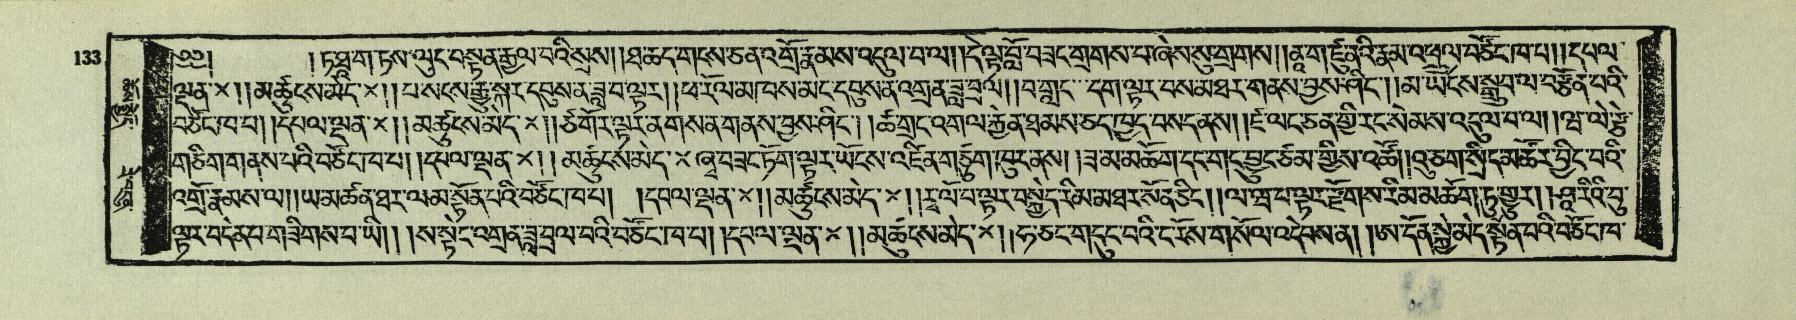༄༅། །ཏ་ཐཱ་ག་ཏས་ལུང་བསྟན་རྒྱལ་བའི་སྲས། །ཐ་ཆད་གངས་ཅན་འགྲོ་རྣམས་འདུལ་བ་ལ། །དེ་ལྟ་བློ་བཟང་གྲགས་པ་ཞེས་སུ་གྲགས། །ནཱ་ག་ཛུ་ནའི་རྣམ་འཕྲུལ་བཙོང་ཁ་པ།
།དཔལ་ལྡན་྾། །མཚུངས་མེད་྾། །པ་སངས་རྒྱུ་སྐར་དབུས་ན་ཟླ་བ་ལྟར། །ཕ་རོལ་མཁས་མང་དབུས་ན་འགྲན་ཟླ་བྲལ། །བ་གླང་དག་ལྟར་བས་མཐར་གནས་བྱས་ཤིང་། །མ་ཡོངས་སྒྲུབ་ལ་བརྩོན་པའི་
བཙོང་ཁ་པ། །དཔལ་ལྡན་྾། །མཚུངས་མེད་྾། །ཙ་གོར་ལྟར་ནགས་ན་གནས་བྱས་ཤིང་། །ཚ་གྲང་འགལ་རྐྱེན་ཐམས་ཅད་ཁྱད་བསད་ནས། །ཛ་ལང་ཅན་གྱི་རང་སེམས་འདུལ་བ་ལ། །ཝ་ལེ་རྩེ་
གཅིག་གནས་པའི་བཙོང་ཁ་པ། །དཔལ་ལྡན་྾། །མཚུངས་མེད་྾་ཞྭ་བཟང་ཏོག་ལྟར་ཡོངས་འཛིན་གཙུག་ཁུར་ནས། །ཟ་མ་མཆོག་དང་གང་བྱུང་ཙམ་གྱིས་འཚོ། །འུ་ཅག་སྲིད་མཚོར་བྱིང་བའི་
འགྲོ་རྣམས་ལ། །ཡ་མཚན་ཐར་ལམ་སྟོན་པའི་བཙོང་ཁ་པ། །དཔལ་ལྡན་྾། །མཚུངས་མེད་྾། །རྭ་ལོ་པ་ལྟར་བསྐྱེད་རིམ་མཐར་སོན་ཅིང་། །ལ་ཝ་པ་ལྟར་རྫོགས་རིམ་མཆོག་ཏུ་གྱུར། །ཤཱ་རིའི་བུ་
ལྟར་བདེན་པ་གཟིགས་བ་ཡི།། །ས་སྟེང་འགྲན་ཟླ་བྲལ་བའི་བཙོང་ཁ་པ། །དཔལ་ལྡན་྾། །མཚུངས་མེད་྾། །ཧ་ཅང་གདུང་བའི་ང་རོས་གསོལ་འདེབས་ན། །ཨ་དོན་སྐྱེ་མེད་སྟོན་པའི་བཙོང་ཁ་